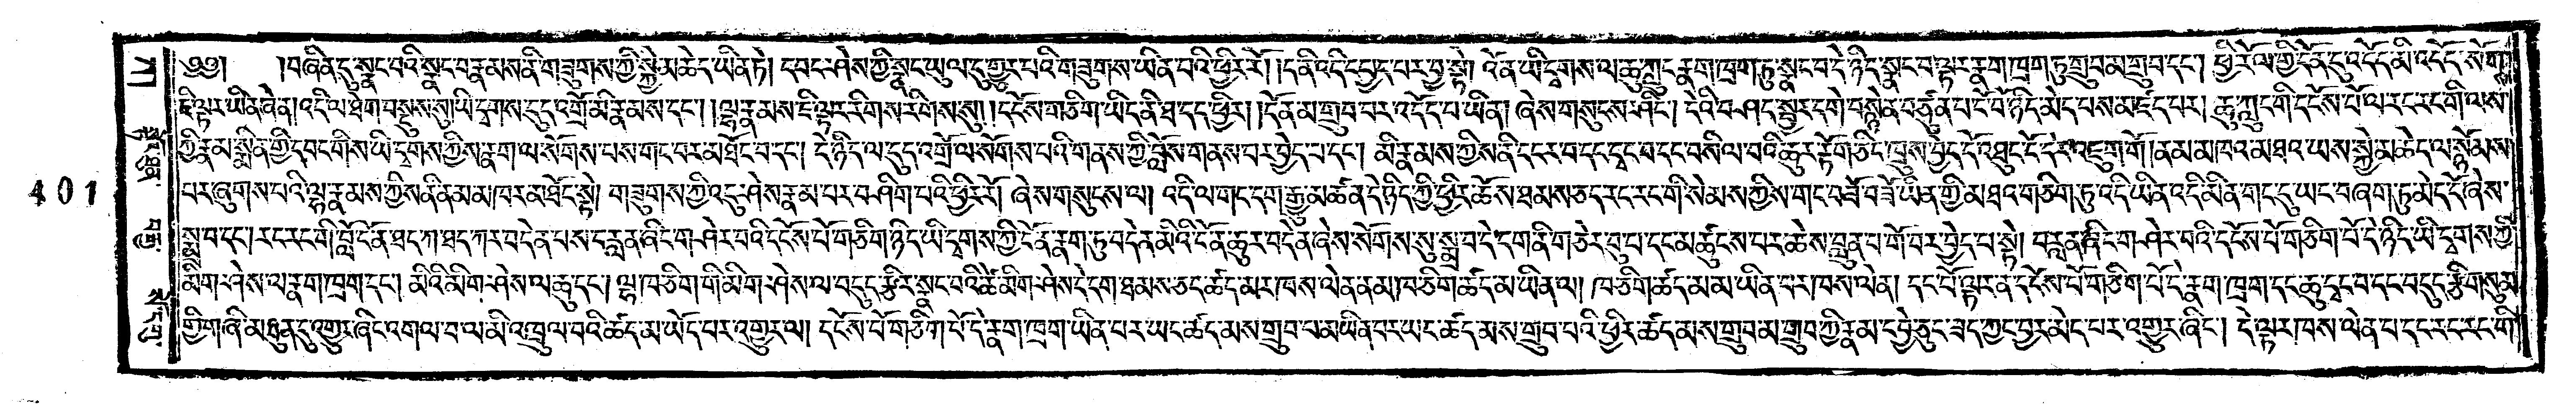༄༅། །བཞིན་དུ་སྣང་བའི་སྣང་བ་རྣམས་ནི་གཟུགས་ཀྱི་སྐྱེ་མཆེད་ཡིན་ཏེ། དབང་ཤེས་ཀྱི་སྣང་ཡུལ་དུ་གྱུར་བའི་གཟུགས་ཡིན་པའི་ཕྱིར་རོ། །ད་ནི་འདི་དཔྱད་པར་བྱ་སྟེ། འོ་ན་ཡི་དྭགས་ལ་ཆུ་ཀླུང་རྣག་ཁྲག་ཏུ་སྣང་བ་དེ་ཉིད་སྣང་བ་ལྟར་རྣག་ཁྲག་ཏུ་གྲུབ་མ་གྲུབ་དང་། ཕྱི་རོལ་གྱི་དོན་དུ་འདོད་མི་འདོད་སོགས་
ཇི་ལྟར་ཡིན་ཞེ་ན། འདི་ལ་ཐེག་བསྡུས་སུ། ཡི་དྭགས་དུད་འགྲོ་མི་རྣམས་དང་། །ལྷ་རྣམས་ཇི་ལྟར་རིགས་རིགས་སུ། །དངོས་གཅིག་ཡིད་ནི་ཐ་དད་ཕྱིར། །དོན་མ་གྲུབ་བར་འདོད་པ་ཡིན། ཞེས་གསུངས་ཤིང་། དེའི་བཤད་སྦྱར་དགེ་བསྙེན་བཙུན་པ་ངོ་བོ་ཉིད་མེད་པས་མཛད་པར། ཆུ་ཀླུང་གི་དངོས་པོ་ལ་རང་རང་གི་ལས་
ཀྱི་རྣམ་སྨིན་གྱི་དབང་གིས་ཡི་དྭགས་ཀྱིས་རྣག་ལ་སོགས་པས་གང་བར་མཐོང་བ་དང་། དེ་ཉིད་ལ་དུད་འགྲོ་ལ་སོགས་པའི་གནས་ཀྱི་བློས་གནས་བར་བྱེད་པ་དང་། མི་རྣམས་ཀྱིས་ནི་དངར་བ་དང་དྭང་བ་དང་བསིལ་བའི་ཆུར་རྟོག་ཅིང་ཁྲུས་བྱེད་དོ་འཐུང་ངོ་དེར་འཇུག་གོ །ནམ་མཁའ་མཐའ་ཡས་སྐྱེ་མཆེད་ལ་སྙོམས་
པར་ཞུགས་པའི་ལྷ་རྣམས་ཀྱིས་ནི་ནམ་མཁར་མཐོང་སྟེ། གཟུགས་ཀྱི་འདུ་ཤེས་རྣམ་པར་བཤིག་པའི་ཕྱིར་རོ། ཞེས་གསུངས་ལ། འདི་ལ་གང་དག་རྒྱུ་མཚན་དེ་ཉིད་ཀྱི་ཕྱིར་ཆོས་ཐམས་ཅད་རང་རང་གི་སེམས་ཀྱིས་གང་བཟོ་བཟོ་ཡིན་གྱི་མཐའ་གཅིག་ཏུ་འདི་ཡིན་འདི་མིན་གང་དུ་ཡང་བཞག་ཏུ་མེད་དོ་ཞེས་
སྨྲ་བ་དང་། རང་རང་གི་བློ་དོན་ཐད་ཀ་ཐད་ཀར་བདེན་པས་བརླན་ཞིང་གཤེར་བའི་དངོས་པོ་གཅིག་ཉིད་ཡི་དྭགས་ཀྱི་དོན་རྣག་ཏུ་བདེན་མིའི་དོན་ཆུར་བདེན་ཞེས་སོགས་སུ་སྨྲ་བ་དེ་དག་ནི་གཅེར་བུ་པ་དང་མཚུངས་བར་ཆེས་བླུན་པ་གོ་བར་བྱེད་པ་སྟེ། བརླན་ཞིང་གཤེར་བའི་དངོས་པོ་གཅིག་པོ་དེ་ཉིད་ཡི་དྭགས་ཀྱི་
མིག་ཤེས་ལ་རྣག་ཁྲག་དང་། མིའི་མིག་ཤེས་ལ་ཆུ་དང་། ལྷ་ཁ་ཅིག་གི་མིག་ཤེས་ལ་བདུད་རྩིར་སྣང་བའི་ཚེ་མིག་ཤེས་དེ་དག་ཐམས་ཅད་ཚར་མར་ཁས་ལེན་ནམ་ཁ་ཅིག་ཚད་མ་ཡིན་ལ། ཁ་ཅིག་ཚད་མ་མ་ཡིན་པར་ཁས་ལེན། དང་པོ་ལྟར་ན་དངོས་པོ་གཅིག་པོ་དེ་རྣག་ཁྲག་དང་ཆུ་དྭང་བ་དང་བདུད་རྩི་གསུམ་
གྱི་གཞི་མཐུན་དུ་འགྱུར་ཞིང་འགལ་བ་ལ་མི་འཁྲུལ་བའི་ཚད་མ་ཡོད་པར་འགྱུར་ལ། དངོས་པོ་གཅིག་པོ་དེ་རྣག་ཁྲག་ཡིན་པར་ཡང་ཚད་མས་གྲུབ་བ་མ་ཡིན་པར་ཡང་ཚད་མས་གྲུབ་པའི་ཕྱིར་ཚད་མས་གྲུབ་མ་གྲུབ་ཀྱི་རྣམ་དབྱེ་ཅུང་ཟད་ཀྱང་བྱར་མེད་པར་འགྱུར་ཞིང་། དེ་ལྟར་ཁས་ལེན་པ་དང་རང་རང་གི་